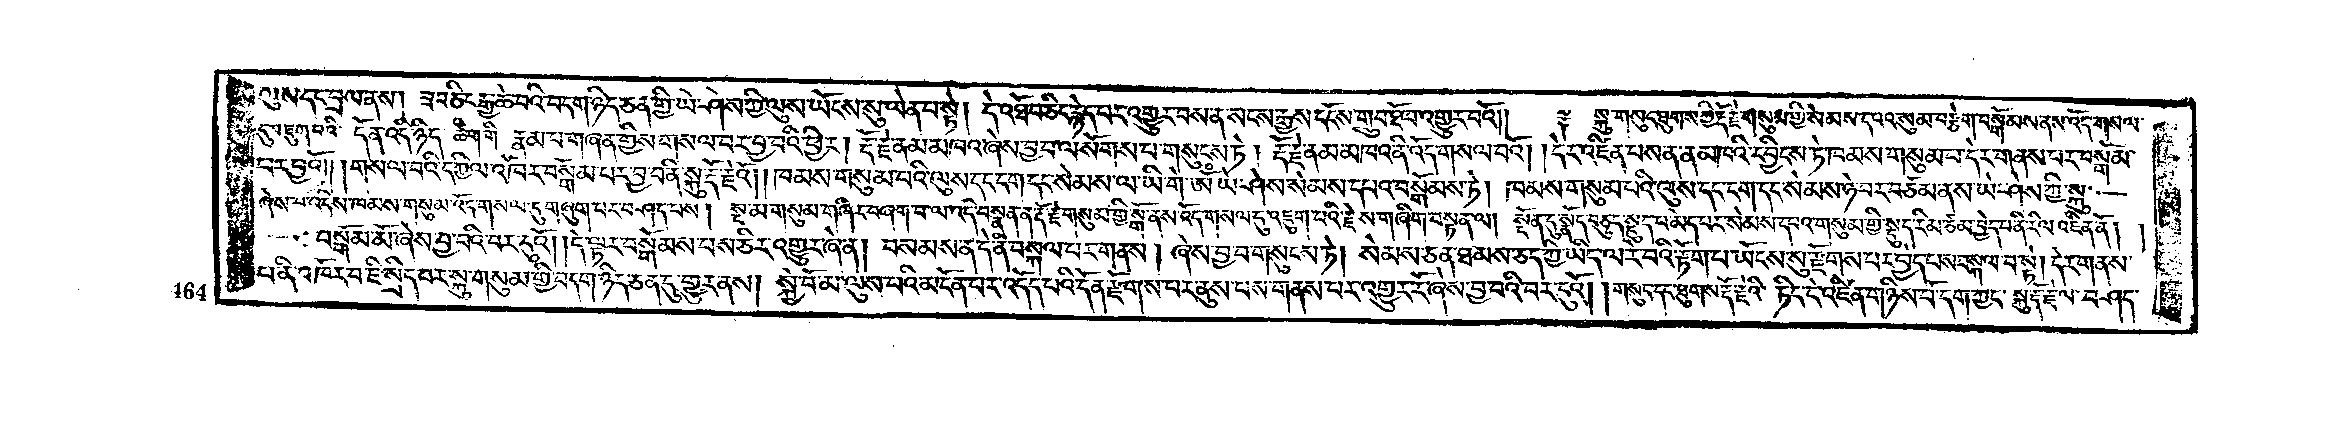ལུས་དང་བྲལ་ནས། ཟབ་ཅིང་རྒྱ་ཆེ་བའི་བདག་ཉིད་ཅན་གྱི་ཡེ་ཤེས་ཀྱི་ལུས་ཡོངས་སུ་ལེན་པ་སྟེ། དེ་འཐོབ་ཅིང་རྙེད་པར་འགྱུར་བས་ན་སངས་རྒྱས་དངོས་གྲུབ་ཐོབ་འགྱུར་བའོ།། ༈ སྐུ་གསུང་ཐུགས་ཀྱི་རྡོ་རྗེ་གསུམ་གྱི་སེམས་དཔའ་སུམ་བརྩེག་བསྒོམས་ནས་འོད་གསལ་
དུ་འཇུག་པའི་དོན་འདི་ཉིད་ཚིག་གི་རྣམ་པ་གཞན་གྱིས་གསལ་བར་བྱ་བའི་ཕྱིར། རྡོ་རྗེ་ནམ་མཁའ་ཞེས་བྱ་བ་ལ་སོགས་པ་གསུངས་ཏེ། རྡོ་རྗེ་ནམ་མཁའ་ནི་འོད་གསལ་བའོ། །དེར་འཛིན་པས་ན་ནམ་མཁའི་དབྱིངས་ཏེ་ཁམས་གསུམ་པ་དེར་གནས་པར་བསྒོམ་
པར་བྱའོ། །གསལ་བའི་དཀྱིལ་འཁོར་བསྒོམ་པར་བྱ་བ་ནི་སྐུ་རྡོ་རྗེའོ། །ཁམས་གསུམ་པའི་ལུས་དང་ངག་དང་སེམས་ལ་ཡི་གེ་ཨོཾ་ཡེ་ཤེས་སེམས་དཔའ་བསྒོམས་ཏེ། ཁམས་གསུམ་པའི་ལུས་དང་ངག་དང་སེམས་ཉེ་བར་བཅོམ་ནས་ཡེ་ཤེས་ཀྱི་སྐུཿ
ཞེས་པ་འདིས་ཁམས་གསུམ་འོད་གསལ་དུ་གཞུག་པར་བཤད་པས། སྔ་མ་གསུམ་གཞིར་བཞག་པ་ལ་འདི་བསྣན་ན་རྡོ་རྗེ་གསུམ་གྱི་སྒོ་ནས་འོད་གསལ་དུ་འཇུག་པའི་རྗེས་གཞིག་བསྟན་ལ། སྔོན་དུ་སྣོད་བཅུད་སྡུད་པ་མེད་པར་སེམས་དཔའ་གསུམ་གྱི་སྡུད་རིམ་ཙམ་དུ་བྱེད་པ་ནི་རིལ་འཛིན་ནོ། །
.H བསྒོམ་མོ་ཞེས་བྱ་བའི་བར་དུའོ། །དེ་ལྟར་བསྒོམས་པས་ཅིར་འགྱུར་ཞེ་ན། བསམས་ན་དེ་ནི་བསྐལ་པར་གནས། ཞེས་བྱ་བ་གསུངས་ཏེ། སེམས་ཅན་ཐམས་ཅད་ཀྱི་ཡིད་ལ་རེ་བའི་རྟོག་པ་ཡོངས་སུ་རྫོགས་པར་བྱེད་པས་བསྐལ་བ་སྟེ། དེར་གནས་
པ་ནི་འཁོར་བ་ཇི་སྲིད་བར་སྐུ་གསུམ་གྱི་བདག་ཉིད་ཅན་དུ་གྱུར་ནས། སྐྱེ་བོ་མ་ལུས་པའི་མངོན་པར་འདོད་པའི་དོན་རྫོགས་པར་ནུས་པས་གནས་པར་འགྱུར་རོ་ཞེས་བྱ་བའི་བར་དུའོ། ། གསུང་དང་ཐུགས་རྡོ་རྗེའི་ཏིང་ངེ་འཛིན་གཉིས་པོ་དག་ཀྱང་སྐུ་རྡོ་རྗེ་ལ་བཤད་